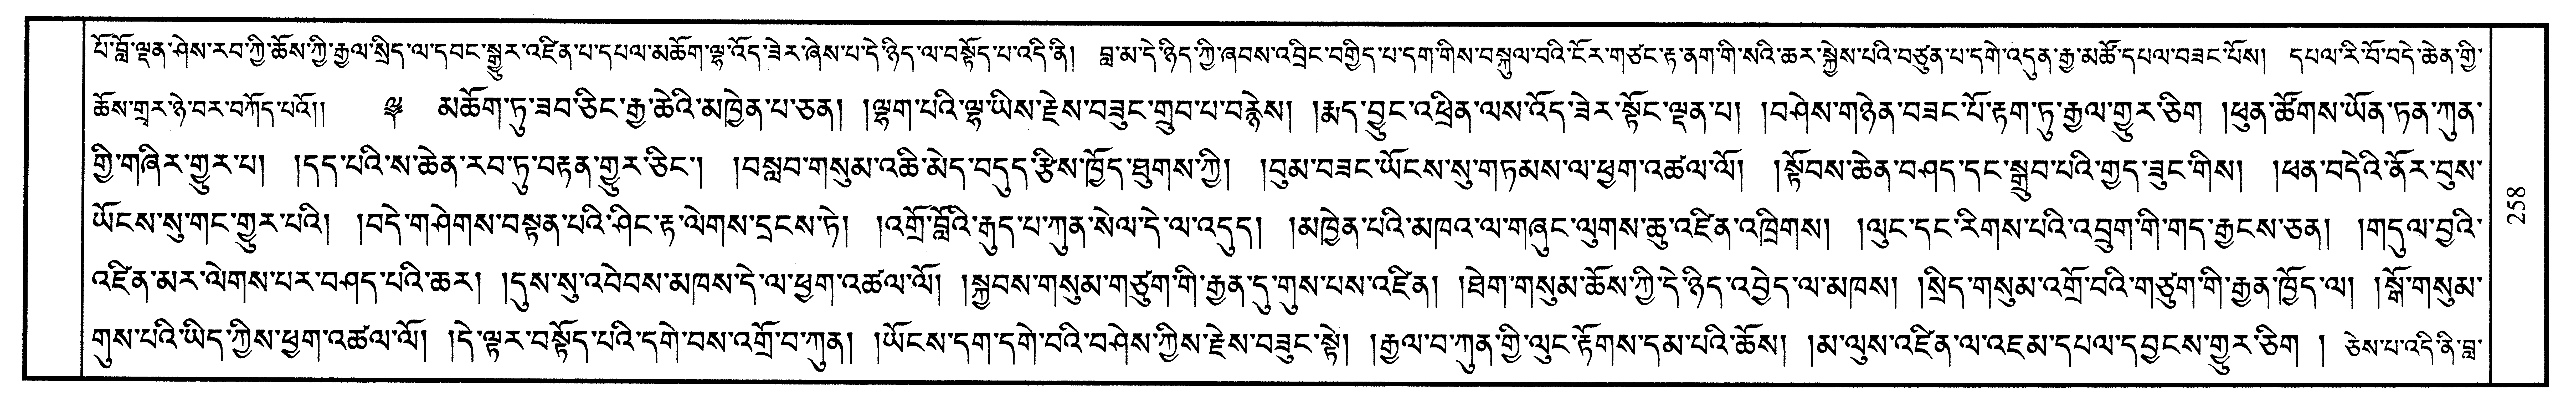པོ་བློ་ལྡན་ཤེས་རབ་ཀྱི་ཆོས་ཀྱི་རྒྱལ་སྲིད་ལ་དབང་སྒྱུར་འཛིན་པ་དཔལ་མཆོག་ལྷ་འོད་ཟེར་ཞེས་པ་དེ་ཉིད་ལ་བསྟོད་པ་འདི་ནི། བླ་མ་དེ་ཉིད་ཀྱི་ཞབས་འབྲིང་བགྱིད་པ་དག་གིས་བསྐུལ་བའི་ངོར་གཙང་རྟ་ནག་གི་སའི་ཆར་སྐྱེས་པའི་བཙུན་པ་དགེ་འདུན་རྒྱ་མཚོ་དཔལ་བཟང་པོས། དཔལ་རི་བོ་བདེ་ཆེན་གྱི་
ཆོས་གྲྭར་ཉེ་བར་བཀོད་པའོ།། ༈ མཆོག་ཏུ་ཟབ་ཅིང་རྒྱ་ཆེའི་མཁྱེན་པ་ཅན། །ལྷག་པའི་ལྷ་ཡིས་རྗེས་བཟུང་གྲུབ་པ་བརྙེས། །རྨད་བྱུང་འཕྲིན་ལས་འོད་ཟེར་སྟོང་ལྡན་པ། །བཤེས་གཉེན་བཟང་པོ་རྟག་ཏུ་རྒྱལ་གྱུར་ཅིག །ཕུན་ཚོགས་ཡོན་ཏན་ཀུན་
གྱི་གཞིར་གྱུར་པ། །དད་པའི་ས་ཆེན་རབ་ཏུ་བརྟན་གྱུར་ཅིང་། །བསླབ་གསུམ་འཆི་མེད་བདུད་རྩིས་ཁྱོད་ཐུགས་ཀྱི། །བུམ་བཟང་ཡོངས་སུ་གཏམས་ལ་ཕྱག་འཚལ་ལོ། །སྟོབས་ཆེན་བཤད་དང་སྒྲུབ་པའི་གྱད་ཟུང་གིས། །ཕན་བདེའི་ནོར་བུས་
ཡོངས་སུ་གང་གྱུར་པའི། །བདེ་གཤེགས་བསྟན་པའི་ཤིང་རྟ་ལེགས་དྲངས་ཏེ། །འགྲོ་བློའི་རྒུད་པ་ཀུན་སེལ་དེ་ལ་འདུད། །མཁྱེན་པའི་མཁའ་ལ་གཞུང་ལུགས་ཆུ་འཛིན་འཁྲིགས། །ལུང་དང་རིགས་པའི་འབྲུག་གི་གད་རྒྱངས་ཅན། །གདུལ་བྱའི་
འཛིན་མར་ལེགས་པར་བཤད་པའི་ཆར། །དུས་སུ་འབེབས་མཁས་དེ་ལ་ཕྱག་འཚལ་ལོ། །སྐྱབས་གསུམ་གཙུག་གི་རྒྱན་དུ་གུས་པས་འཛིན། །ཐེག་གསུམ་ཆོས་ཀྱི་དེ་ཉིད་འབྱེད་ལ་མཁས། །སྲིད་གསུམ་འགྲོ་བའི་གཙུག་གི་རྒྱན་ཁྱོད་ལ། །སྒོ་གསུམ་
གུས་པའི་ཡིད་ཀྱིས་ཕྱག་འཚལ་ལོ། །དེ་ལྟར་བསྟོད་པའི་དགེ་བས་འགྲོ་བ་ཀུན། །ཡོངས་དག་དགེ་བའི་བཤེས་ཀྱིས་རྗེས་བཟུང་སྟེ། །རྒྱལ་བ་ཀུན་གྱི་ལུང་རྟོགས་དམ་པའི་ཆོས། །མ་ལུས་འཛིན་ལ་འཇམ་དཔལ་དབྱངས་གྱུར་ཅིག །ཅེས་པ་འདི་ནི་བླ་